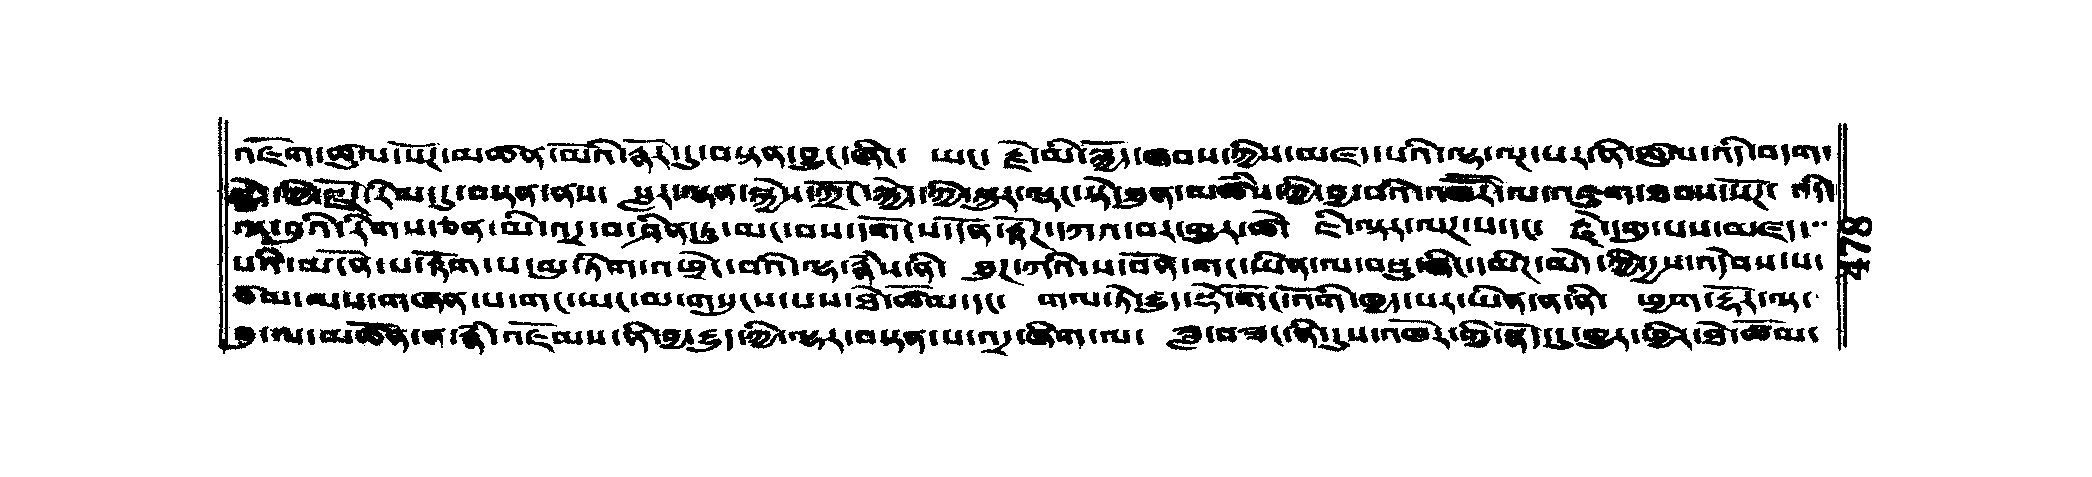འཇོག་ཚུལ་སོགས་མཚན་མོའི་རྣལ་འབྱོར་དུ་བསྟན་བྱུང་ཞིང་། ཡང་། རྗེ་མི་སྐྱོད་ཞབས་ཀྱིས་མཛད་པའི་ལྷ་ལྔ་པར་ནི་ཚུལ་འདི་བདག་
སྐྱེད་ཀྱི་རྫོགས་རིམ་དུ་བསྟན་ནས། སླར་ལྷན་སྐྱེས་ཀྲོང་སྐྱེད་ཀྱི་སྐུར་ལྡང་སྟེ་ཐུན་མཚམས་ཀྱི་བྱ་བའི་འཁོར་ལོ་ལ་འཇུག་ཐབས་སོགས། འདི་
ལྟ་བུའི་རིགས་ཅན་མི་འདྲ་བ་ཤིན་ཏུ་མང་བས་དགོངས་དོན་རྟོགས་དཀའ་བར་གྱུར་ཚེ། ཇི་ལྟར་ལགས་པ་དང་། རྗེ་དགུ་པས་མཛད་
པའི་མངོན་པར་རྟོགས་པ་མུ་ཏིག་འཕྲེང་བའི་ལྷ་རྣམས་ནི། ཐུགས་ཀའི་ས་བོན་གང་ཡིན་ལ་བསྡུ་ཞིང་དམིགས་མེད་ཀྱི་རྒྱས་འདེབས་པ་
ཙམ་ལས་གཞན་པ་གང་ཡང་མ་གསུངས་པས་ཐེ་ཚོམ་དང་།གལ་ཏེ་རྒྱུད་སྡེ་གོང་འོག་གི་ཁྱད་པར་ཡིན་ན་ནི། ཕྱག་རྡོར་ལྟ་
བུ་ལ་མཚོན་ན་རྣམ་འཇོམས་ནི་བྱ་རྒྱུད་ཀྱི་ལྷར་བསྟན་པ་འདྲ་ཞིག་ལ། ཟླ་བཟང་ནི་དུས་འཁོར་གྱི་སྣོད་དུ་གྱུར་ཕྱིར་ཐེ་ཚོམ་